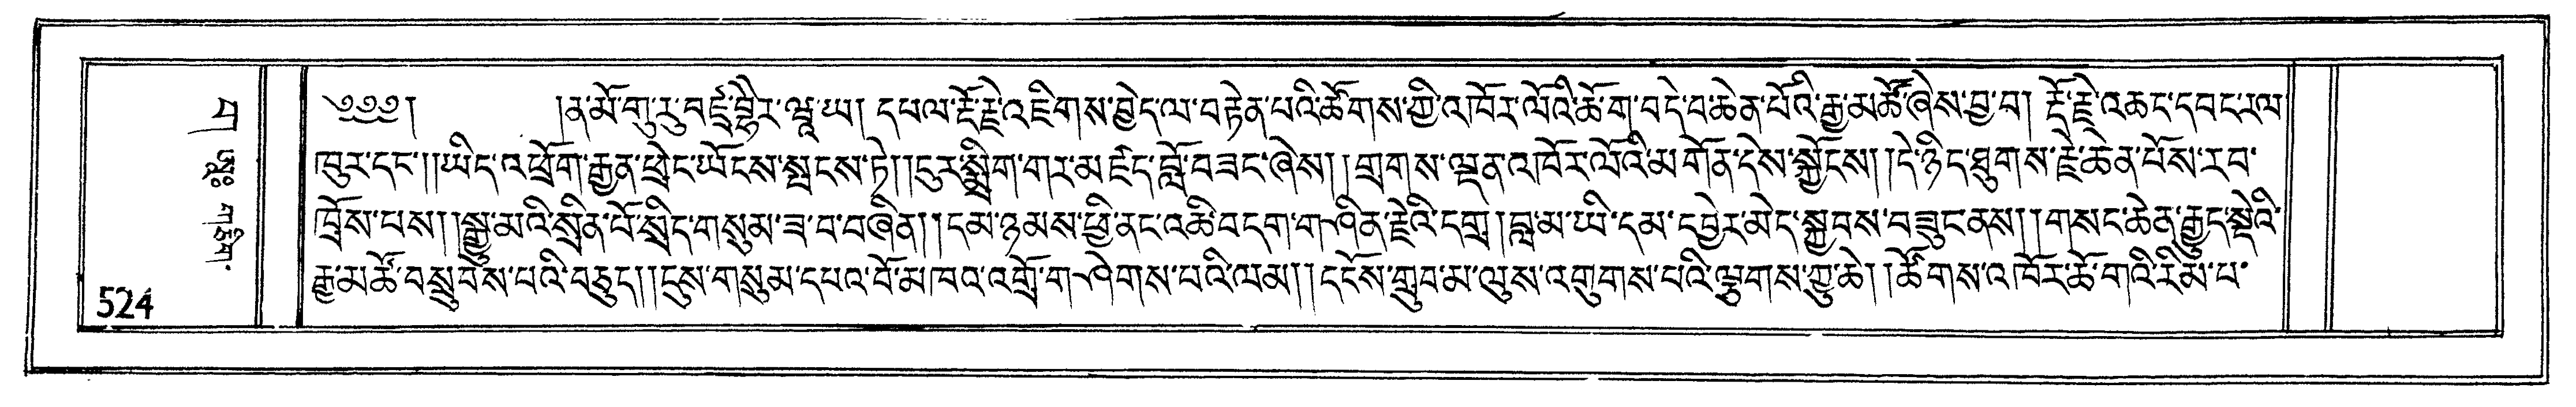༄༅༅། །ན་མོ་གུ་རུ་བཛྲ་བྷཻར་ཝཱ་ཡ། དཔལ་རྡོ་རྗེ་འཇིགས་བྱེད་ལ་བརྟེན་པའི་ཚོགས་ཀྱི་འཁོར་ལོའི་ཆོ་ག་བདེ་བ་ཆེན་པོའི་རྒྱ་མཚོ་ཞེས་བྱ་བ། རྡོ་རྗེ་འཆང་དབང་རལ་
ཁུར་དང་། །ཡིད་འཕྲོག་རྒྱན་ཕྲེང་ཡོངས་སྤངས་ཏེ། །ངུར་སྨྲིག་གར་མཛད་བློ་བཟང་ཞེས། །གྲགས་ལྡན་འཁོར་ལོའི་མགོན་དེས་སྐྱོངས། །དེ་ཉིད་ཐུགས་རྗེ་ཆེན་པོས་རབ་
ཁྲོས་པས། །སྒྱུ་མའི་སྲིན་པོ་སྲིད་གསུམ་ཟ་བ་བཞིན། །དམ་ཉམས་ཕྱི་ནང་འཆི་བདག་གཤིན་རྗེའི་དགྲ་།བླ་མ་ཡི་དམ་དབྱེར་མེད་སྐྱབས་བཟུང་ནས། །གསང་ཆེན་རྒྱུད་སྡེའི་
རྒྱ་མཚོ་བསྲུབས་པའི་བཅུད། །དུས་གསུམ་དཔའ་བོ་མཁའ་འགྲོ་གཤེགས་པའི་ལམ། །དངོས་གྲུབ་མ་ལུས་འགུགས་པའི་ལྕགས་ཀྱུ་ཆེ། །ཚོགས་འཁོར་ཆོ་གའི་རིམ་པ་